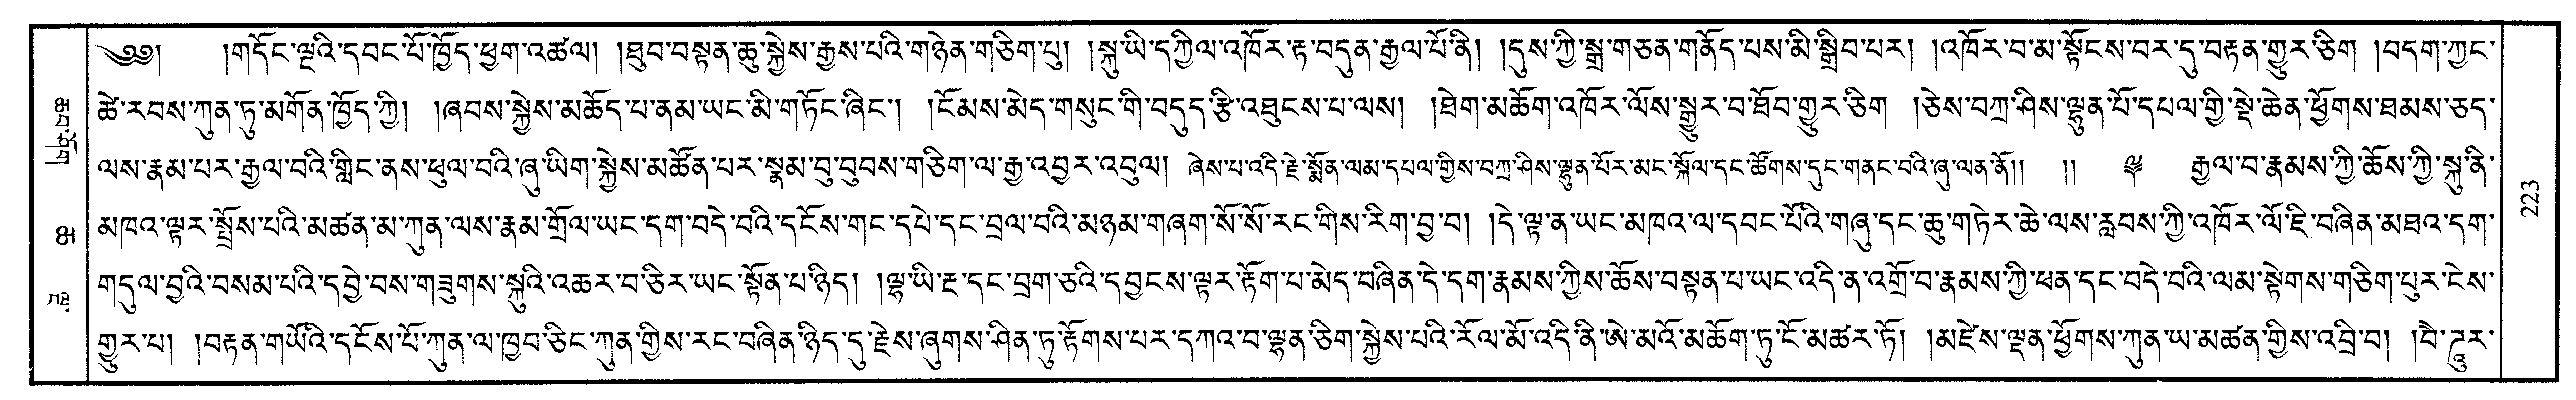༄༅། །གདོང་ལྔའི་དབང་པོ་ཁྱོད་ཕྱག་འཚལ། །ཐུབ་བསྟན་ཆུ་སྐྱེས་རྒྱས་པའི་གཉེན་གཅིག་པུ། །སྐུ་ཡི་དཀྱིལ་འཁོར་རྟ་བདུན་རྒྱལ་པོ་ནི། །དུས་ཀྱི་སྒྲ་གཅན་གནོད་པས་མི་སྒྲིབ་པར། །འཁོར་བ་མ་སྟོངས་བར་དུ་བརྟན་གྱུར་ཅིག །བདག་ཀྱང་
ཚེ་རབས་ཀུན་ཏུ་མགོན་ཁྱོད་ཀྱི། །ཞབས་སྐྱེས་མཆོད་པ་ནམ་ཡང་མི་གཏོང་ཞིང་། །ངོམས་མེད་གསུང་གི་བདུད་རྩི་འཐུངས་པ་ལས། །ཐེག་མཆོག་འཁོར་ལོས་སྒྱུར་བ་ཐོབ་གྱུར་ཅིག །ཅེས་བཀྲ་ཤིས་ལྷུན་པོ་དཔལ་གྱི་སྡེ་ཆེན་ཕྱོགས་ཐམས་ཅད་
ལས་རྣམ་པར་རྒྱལ་བའི་གླིང་ནས་ཕུལ་བའི་ཞུ་ཡིག་སྐྱེས་མཚོན་པར་སྣམ་བུ་བུབས་གཅིག་ལ་རྒྱ་འབྱར་འབུལ། ཞེས་པ་འདི་རྗེ་སྨོན་ལམ་དཔལ་གྱིས་བཀྲ་ཤིས་ལྷུན་པོར་མང་སྐོལ་དང་ཚོགས་དུང་གནང་བའི་ཞུ་ལན་ནོ།། །། ༈ རྒྱལ་བ་རྣམས་ཀྱི་ཆོས་ཀྱི་སྐུ་ནི་
མཁའ་ལྟར་སྤྲོས་པའི་མཚན་མ་ཀུན་ལས་རྣམ་གྲོལ་ཡང་དག་བདེ་བའི་དངོས་གང་དཔེ་དང་བྲལ་བའི་མཉམ་གཞག་སོ་སོ་རང་གིས་རིག་བྱ་བ། །དེ་ལྟ་ན་ཡང་མཁའ་ལ་དབང་པོའི་གཞུ་དང་ཆུ་གཏེར་ཆེ་ལས་རླབས་ཀྱི་འཁོར་ལོ་ཇི་བཞིན་མཐའ་དག་
གདུལ་བྱའི་བསམ་པའི་དབྱེ་བས་གཟུགས་སྐུའི་འཆར་བ་ཅིར་ཡང་སྟོན་པ་ཉིད། །ལྷ་ཡི་རྔ་དང་བྲག་ཅའི་དབྱངས་ལྟར་རྟོག་པ་མེད་བཞིན་དེ་དག་རྣམས་ཀྱིས་ཆོས་བསྟན་པ་ཡང་འདི་ན་འགྲོ་བ་རྣམས་ཀྱི་ཕན་དང་བདེ་བའི་ལམ་སྟེགས་གཅིག་པུར་ངེས་
གྱུར་པ། །བརྟན་གཡོའི་དངོས་པོ་ཀུན་ལ་ཁྱབ་ཅིང་ཀུན་གྱིས་རང་བཞིན་ཉིད་དུ་རྗེས་ཞུགས་ཤིན་ཏུ་རྟོགས་པར་དཀའ་བ་ལྷན་ཅིག་སྐྱེས་པའི་རོལ་མོ་འདི་ནི་ཨེ་མའོ་མཆོག་ཏུ་ངོ་མཚར་ཏོ། །མཛེས་ལྡན་ཕྱོགས་ཀུན་ཡ་མཚན་གྱིས་འབྲི་བ། །བཻ་ཌཱུར་